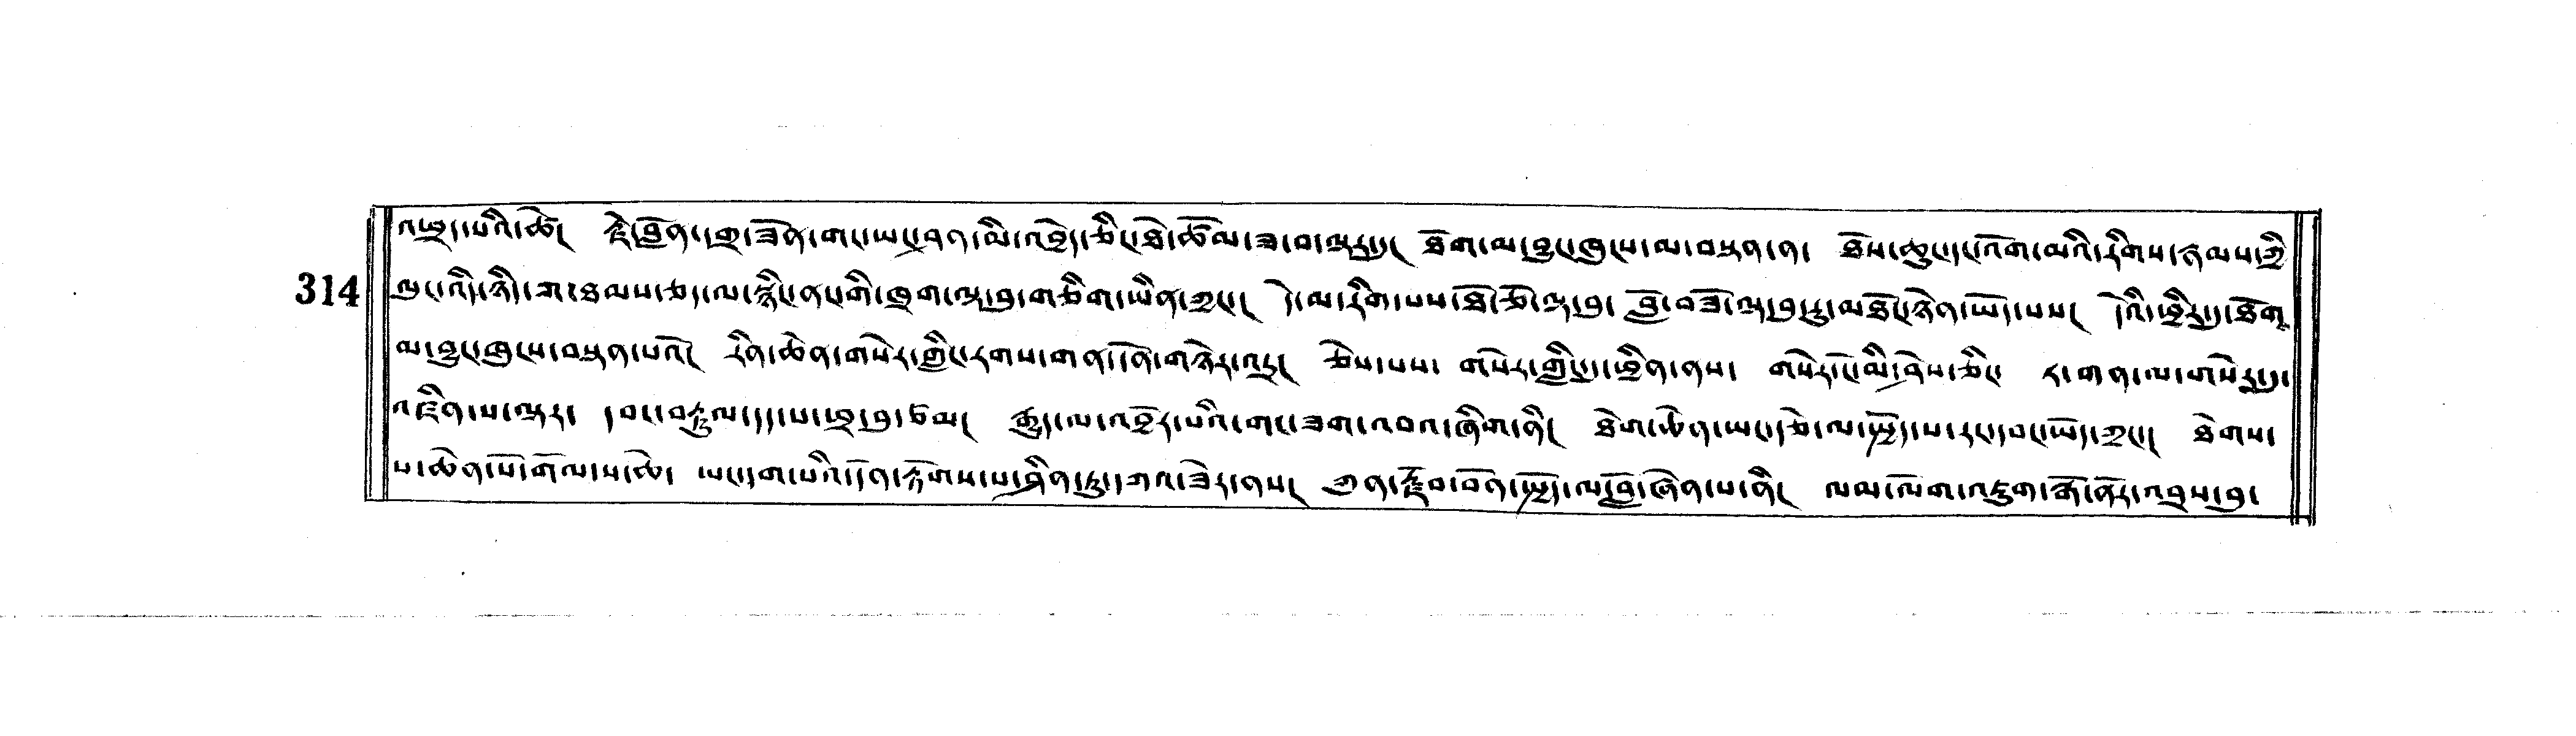འཕྲད་པའི་ཚེ་ན། རྗེ་བློན་དགྲ་ཟོན་གང་ཡང་ཤན་མི་འབྱེད་ཅིང་ཐེ་ཚོམ་ཟ་བ་ལྟར་དུ། ཐོག་མ་བྱུང་ཁུངས་མ་བསྟན་ན། ཐོས་ཆུང་དང་འོག་མའི་རིགས་རྣམས་ཀྱི་
ལུང་འདི་ཉིད་ཀ་ཐམས་ཅད་ལ་སྙིང་ནང་གི་ཁྲག་ལྟ་བུ་གཅིག་ཡིན་ཀྱང་། དེ་མ་རིག་པས་ཐོ་ཅོ་ལྟ་བུ་བློ་བཟོ་ལྟ་བུ་རུ་མཐོང་ཉེན་ཡོད་པས། དེའི་ཕྱིར་དུ་ཐོག་
མ་བྱུང་ཁུངས་བསྟན་པའོ། རིན་ཆེན་གསེར་གླིང་ར་གན་དོན་གཉེར་འདྲ། ཅེས་པས་གསེར་གླིང་དུ་ཕྱིན་ནས་གསེར་ངོ་མི་ཤེས་ཅིང་། ར་གན་ལ་གསེར་དུ་
འཛིན་པ་ལྟར་དབང་རྟུལ་དད་པ་ཕྲ་བུ་ཙམ་རྒྱུད་ལ་འབྱོར་བའི་གང་ཟག་འབའ་ཞིག་ནི། ཐེག་ཆེན་ཡང་རྩེ་ལ་སྤྱོད་པ་རང་དབང་ཡོད་ཀྱང་། ཐེག་
པ་ཆེན་པོ་གོལ་ས་ཆེ། ཡང་དག་པའི་དོན་རྟོགས་པ་ཤིན་ཏུ་དཀའ་ཟེར་ནས་ཀུན་རྫོབ་བོན་སྤྱོད་ལ་བློ་ཞེན་པ་ནི། ལམ་ལོག་འཇུག་སྒོ་ནོར་འབྲས་བུ་